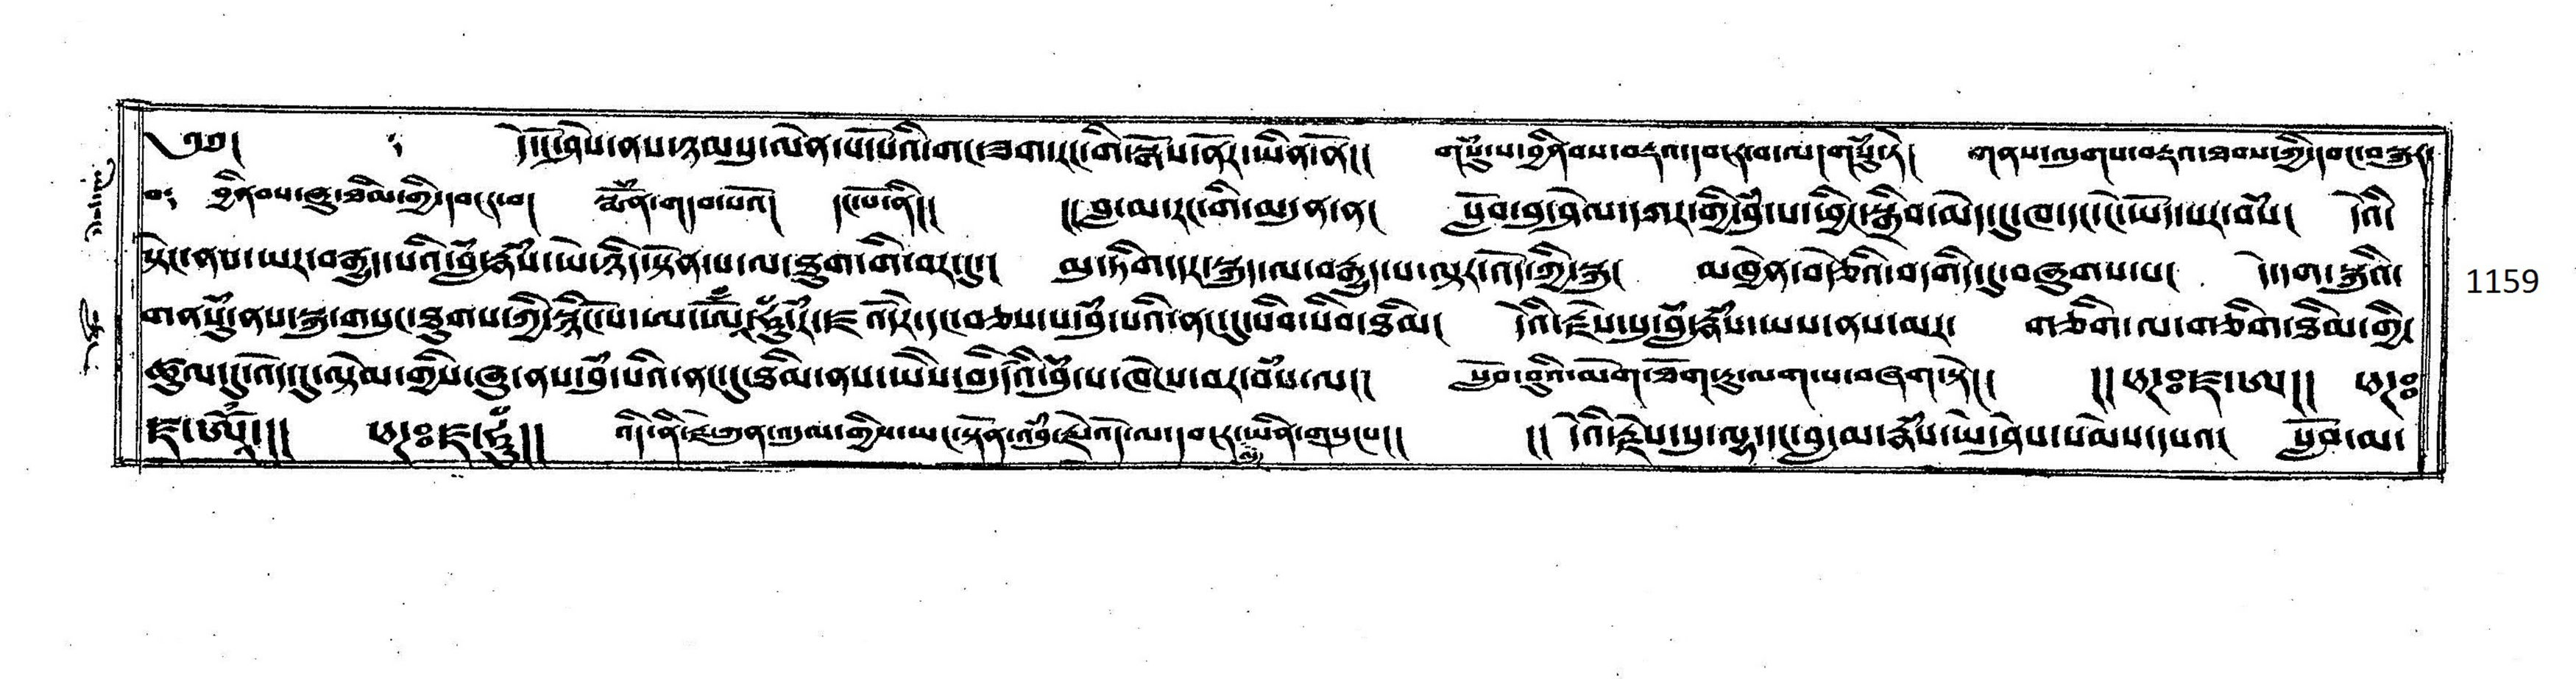དེ་ངོ་ཤེས་ནས་ཉམས་སུ་ལེན་པ་པོའི་གང་ཟག་རང་གི་སྒོས་ནོར་ཡིན་ནོ།། གསུམ་པ་བྱིན་རླབས་བརྡའ་དབང་བསྐུར་བ་ལ་གསུམ་ཏེ། གནས་ལུགས་བརྡའ་ཐབས་ཀྱི་དབང་བསྐུར་
བ། བྱིན་རླབས་ཞུ་ཐིམ་གྱི་དབང་བསྐུར་བ། སྨོན་ལམ་གདབ་པའོ། དང་པོ་ནི།། །།བླ་མ་རང་གི་མདུན་ན། སློབ་བུ་ཤེལ་དཀར་གྱི་བུམ་པ་ཕྱི་ནང་སྒྲིབ་མེད་དུ་ཁ་དང་ངེ་ཡོད་པར་བསམ། དེའི་
སྟེང་ནས་ཡར་བརྒྱུད་པའི་བླ་མ་རྣམས་ཡེ་ཉིད་སྟོན་པ་ལ་ཐུག་གི་བར་དུ། མུ་ཏིག་དར་སྐུད་ལ་བརྒྱུད་པ་ལྟར་འོད་ཀྱི་སྐུ། མཁྱེན་བརྩེའི་བདག་ཉིད་དུ་བཞུགས་པ། དེ་དག་སྐུའི་
གནས་གསུམ་ནས་སྐུ་གསུང་ཐུགས་ཀྱི་སྙིང་པོ་ཨ་ཨཱོཾ་ཧཱུྃ་རཾ་ཛ་འོད་ཟེར་དང་བཅས་པ་བུམ་པའི་ནང་དུ་སིབ་སིབ་ཐིམ། དེའི་རྗེས་སུ་བླ་མ་རྣམས་ཡས་ནས་མར། གཅིག་ལ་གཅིག་ཐིམ་གྱི་
ཚུལ་དུ་འོད་དུ་ལྟེམ་གྱིས་ཞུ་ནས་བུམ་པའི་ནང་དུ་ཐིམ་ནས་ཡེ་ཤེས་བདུད་རྩིའི་བུམ་པ་ཁེངས་པར་བསམ་ལ།། སློབ་བུའི་མགོ་ཐོག་ཏུ་ལག་པ་བཞག་སྟེ།། །།ཕཊཿ
ཛ་ཨ།། ཕཊཿ ཛ་ཨཱོཾ།། ཕཊཿཛ་ཧཱུྃ།། འདི་ནི་རྗེ་ཀུན་འདུལ་གྱིས་ཡང་སྟོན་འབུམ་རྗེ་འོད་ལ་དབང་བསྐུར་ལུགས་ཡིན་གསུངས།། །།དེའི་རྗེས་སུ་ལྷ་དང་བླ་མ་རྣམས་ཡེ་ཤེས་སེམས་དཔའ། སློབ་མ་